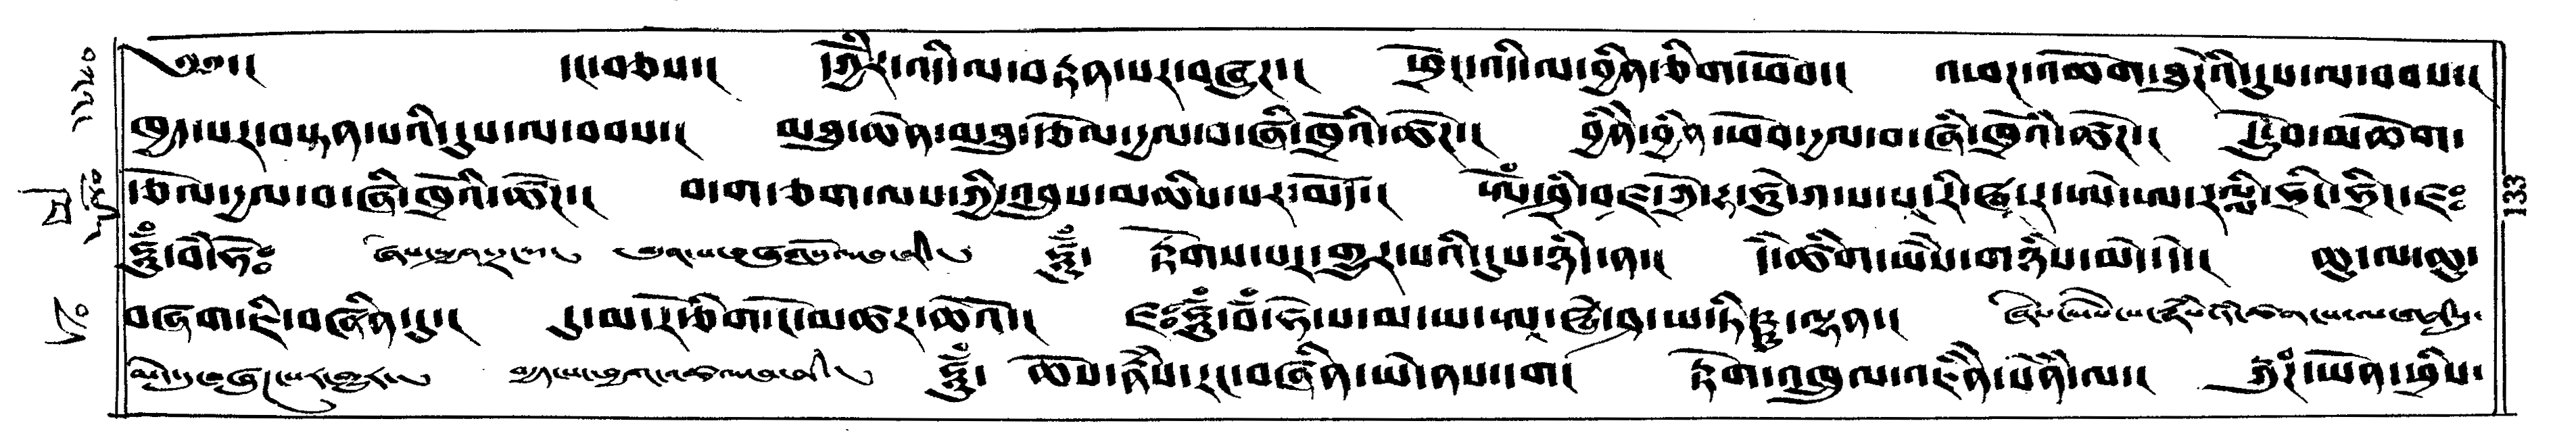དང་བཅས། །དཀྱིལ་འཁོར་འདི་ལ་བརྟན་པར་བཞུགས། །ཕོ་བྲང་འདི་ལ་བྱིན་ཅིག་ཕོབ། །འཕགས་འཆོག་ཐུགས་རྗེའི་དུས་ལ་བབ། །
ཁྱད་པར་བསྟན་པའི་དུས་ལ་བབ། །མཐུ་ཆེན་མཐུ་སྩོལ་རྒྱལ་བ་ཞི་ཁྲོའི་ཚོགས། །བྱིན་ཆེན་བྱིན་ཕོབ་རྒྱལ་བ་ཞི་ཁྲོའི་ཚོགས། །དངོས་གྲུབ་མཆོག་
སྩོལ་རྒྱལ་བ་ཞི་ཁྲོའི་ཚོགས། །བདག་ཅག་ལས་ཀྱི་འབྲས་བུ་མཆིས་པར་མཛོད། །ཨོཾ་ཤྲཱི་བཛྲ་ཀྲོ་དྷ་ཧེ་རུ་ཀ་ས་པཱ་རི་ཝཱ་ར་ཨེ་ཨ་རལླི་ཧྲིང་ཧྲིང་ཛཿ
ཧཱུྃ་བཾ་ཧོཿ ཞེས་སྤྱན་དྲངས། བདུན་པ་བཞུགས་སུ་གསོལ་བ་ནི། ཧཱུྃཿ རྟོགས་པར་གྱུར་པའི་དུས་ཉིད་ན། །དམ་ཚིག་ཡེ་ཤེས་གཉིས་མེད་དེ། །ཆུ་ལ་ཆུ་
བཞག་ཇི་བཞིན་དུ། །དུ་མ་རོ་གཅིག་ངོ་མཚར་ཆེའོ། །ཛཿཧཱུྃ་བྃ་ཧོ་ས་མ་ཡ་ཨཱ་ཝེ་ཤ་ཡ་ཏིཥྛ་ལྷན།ཞེས་ཡེ་ཤེས་པ་རྣམས་དམ་ཚིག་པ་ལ་གཉིས་
མེད་དུ་བཞུགས་པར་གྱུར། བརྒྱད་པ་ཕྱག་འཚལ་བ་ནི། ཧཱུྃ། ཆོས་རྣམས་རང་བཞིན་ཡེ་ནས་དག །རྟོག་འཁྲུལ་འཇིག་རྟེན་སེམས་ཅན་ལ། །སྐུ་གསུང་ཐུགས་ཡོན་ཏན་ཕྲིན་ལས་